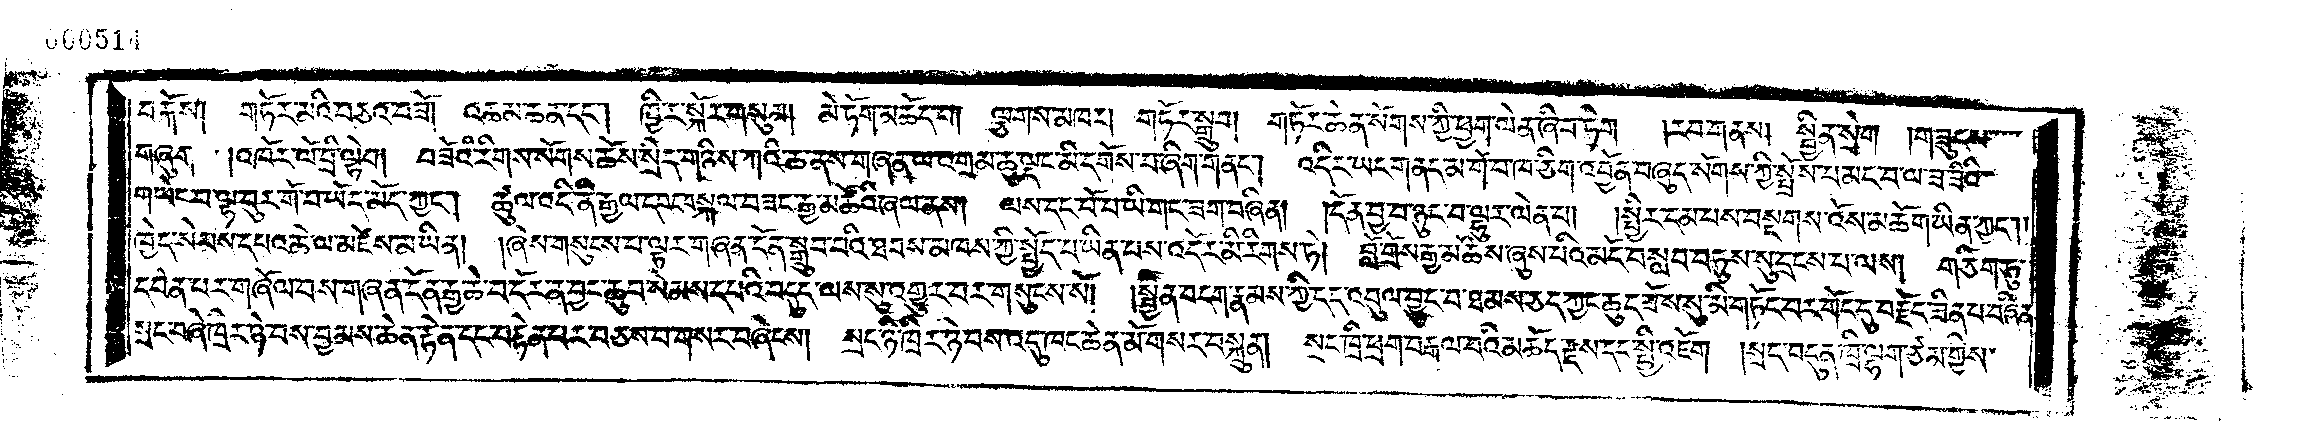བརྐོས། གཏོར་མའི་བཅའ་བཟོ། འཆམ་ཆེན་དང་། ཁྱི་ར་སྐོར་གསུམ། མེ་ཏོག་མཆོད་པ། ལྕགས་མཁར། གཏོར་སྒྲུབ། གཏོར་ཆེན་སོགས་ཀྱི་ཕྱག་ལེན་ཞིབ་ཏིག །རབ་གནས། སྦྱིན་སྲེག །གཟུངས་
གཞུག །འཁོར་ལོ་བྲི་ལྟེབ། བཟོའི་རིགས་སོགས་ཆོས་སྲིད་གཉིས་ཀའི་ཆ་ནས་གཞན་ལ་འགྲམ་ཆུ་ལྡང་མི་དགོས་པ་ཞིག་གནང་། འདིར་ཡང་གནད་མ་གོ་བ་ཁ་ཅིག་འབྱོན་བཞུད་སོགས་ཀྱི་སྤྲོས་པ་མང་པ་ལ་ཟ་ཟིའི་
གཡེང་བ་ལྟ་བུར་གོ་བ་ཡོད་མོད་ཀྱང་། ཚུལ་འདི་ནི་རྒྱལ་དབང་བསྐལ་བཟང་རྒྱ་མཚོའི་ཞལ་ནས། ལས་དང་པོ་པ་ཡི་གང་ཟག་བཞིན། །དོན་བྱ་བ་ཉུང་བ་ལྷུར་ལེན་པ། །སྤྱིར་དམ་པས་བསྔགས་འོས་མཆོག་ཡིན་ཀྱང་། །
ཁྱེད་སེམས་དཔའ་ཆེ་ལ་མཛེས་མ་ཡིན། །ཞེས་གསུངས་པ་ལྟར་གཞན་དོན་སྒྲུབ་པའི་ཐབས་མཁས་ཀྱི་སྤྱོད་པ་ཡིན་པས་འདོར་མི་རིགས་ཏེ། བློ་གྲོས་རྒྱ་མཚོས་ཞུས་པའི་མདོ་བསླབ་བཏུས་སུ་དྲངས་པ་ལས། གཅིག་ཏུ་
དབེན་པར་གཞོལ་བས་གཞན་དོན་རྒྱ་ཆེ་བ་དོར་ན་བྱང་ཆུབ་སེམས་དཔའི་བདུད་ལས་སུ་འགྱུར་བར་གསུངས་སོ། །སྦྱིན་བདག་རྣམས་ཀྱི་དད་འབུལ་བྱུང་བ་ཐམས་ཅད་ཀྱང་ཆུང་ཟོས་སུ་མི་གཏོང་བར་གོང་དུ་བརྗོད་ཟིན་པ་བཞིན་
སྲང་བཞི་ཁྲིར་ཉེ་བས་བྱམས་ཆེན་རྟེན་དང་བརྟེན་པར་བཅས་པ་གསར་བཞེངས། སྲང་ཉི་ཁྲིར་ཉེ་བས་འདུ་ཁང་ཆེན་མོ་གསར་བསྐྲུན། སྲང་ཁྲི་ཕྲག་བརྒལ་བའི་མཆོད་རྫས་དང་སྤྱི་འཇོག །སྲང་བདུན་ཁྲི་ལྷག་ཙམ་གྱིས་